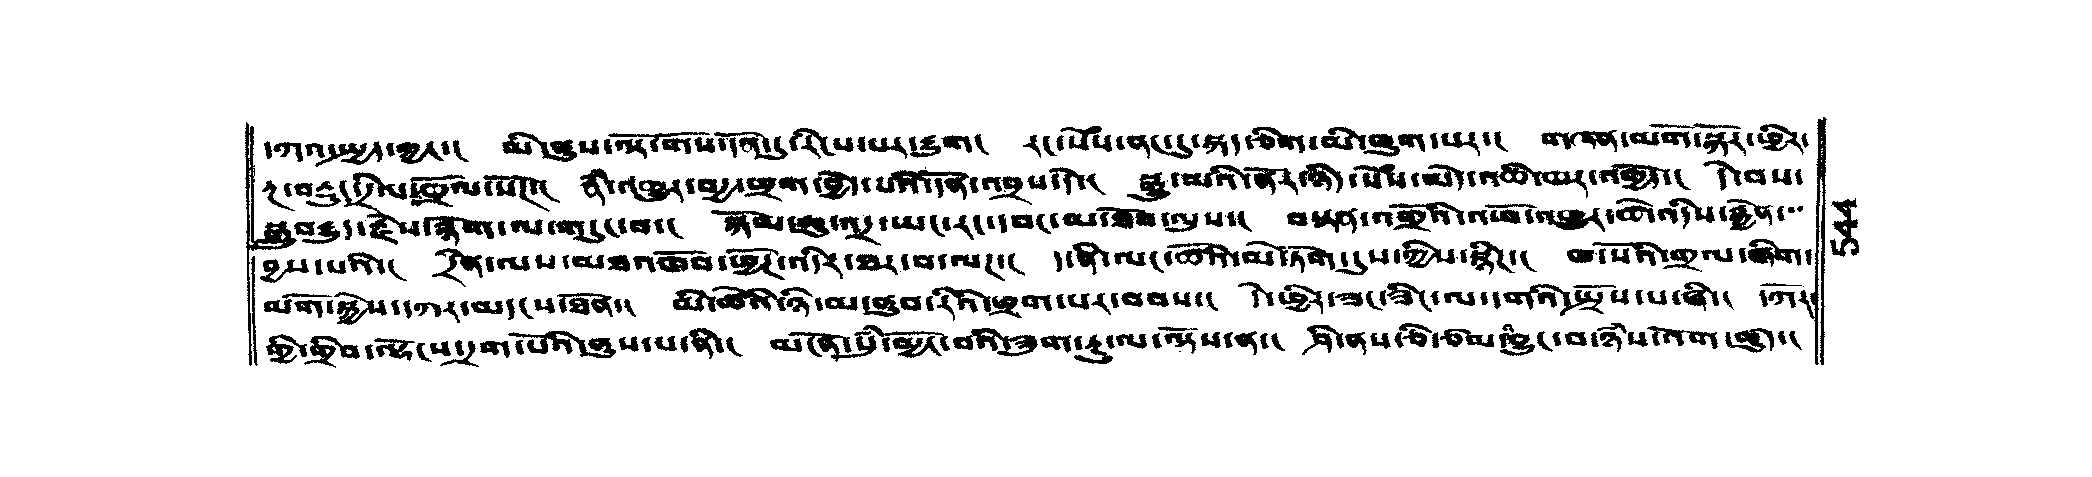དཀའ་སྤྱད་ཀྱང་། །མི་ནུས་ལྟོ་གོས་དོན་ལ་རིངས་པར་རྒྱུག །རང་སེམས་ནང་དུ་སྐད་ཅིག་མི་ཁུག་པར། །གཞན་མགོ་སྐོར་ཕྱིར་
རྔ་བརྡུང་དྲིལ་འཁྲོལ་སོགས། །རྣམ་འགྱུར་བརྒྱ་ཕྲག་བྱེད་པའི་དོན་འབྲས་ཏེ། །སྒྱུ་མའི་ནོར་ཉིད་སེམས་མོད་འཆི་ཁར་འགྱོད། །དེ་བས་
སྒྲུབ་བརྒྱུད་རྗེས་རྙེགས་ལ་གདུང་བ། །སྐོམ་ཆུ་འདྲ་ཡང་རང་དབང་མ་ཐོབ་ལུས། །བསྟན་འགྲོའི་འཕོ་འགྱུར་ཚེ་འདིས་རྐྱེན་
བྱས་པའི། །དྲིན་ལས་མཐའ་ཁོབ་ཕྱོགས་འདིར་ཐར་བ་ལགས། །ད་ནི་ལང་ཚོའི་མེ་ཏོག་དུས་ཀྱིས་རྙིད། །ཁ་སོའི་གྲལ་ཞིག་
མགོ་སྐྱེས་དཀར་མདངས་ཐོན། །མི་ཚེའི་ཉི་མ་ནུབ་རིའི་ཕྲག་པར་བབས། །དེ་ཕྱིར་ཟང་ཟིང་ལ་དགའི་སྤྲོས་པ་ཞི། །དཀོར་
གྱི་གྲིབ་ལྷོངས་དྲག་པོའི་ནུས་པ་ནི། །མངོན་སུམ་མྱོང་བའི་ཟུག་རྔུ་ལ་ལྟོས་ན། །ཤི་ནས་ཅི་ཙམ་འབྱུང་བ་ཉམས་འོག་ཚུད།